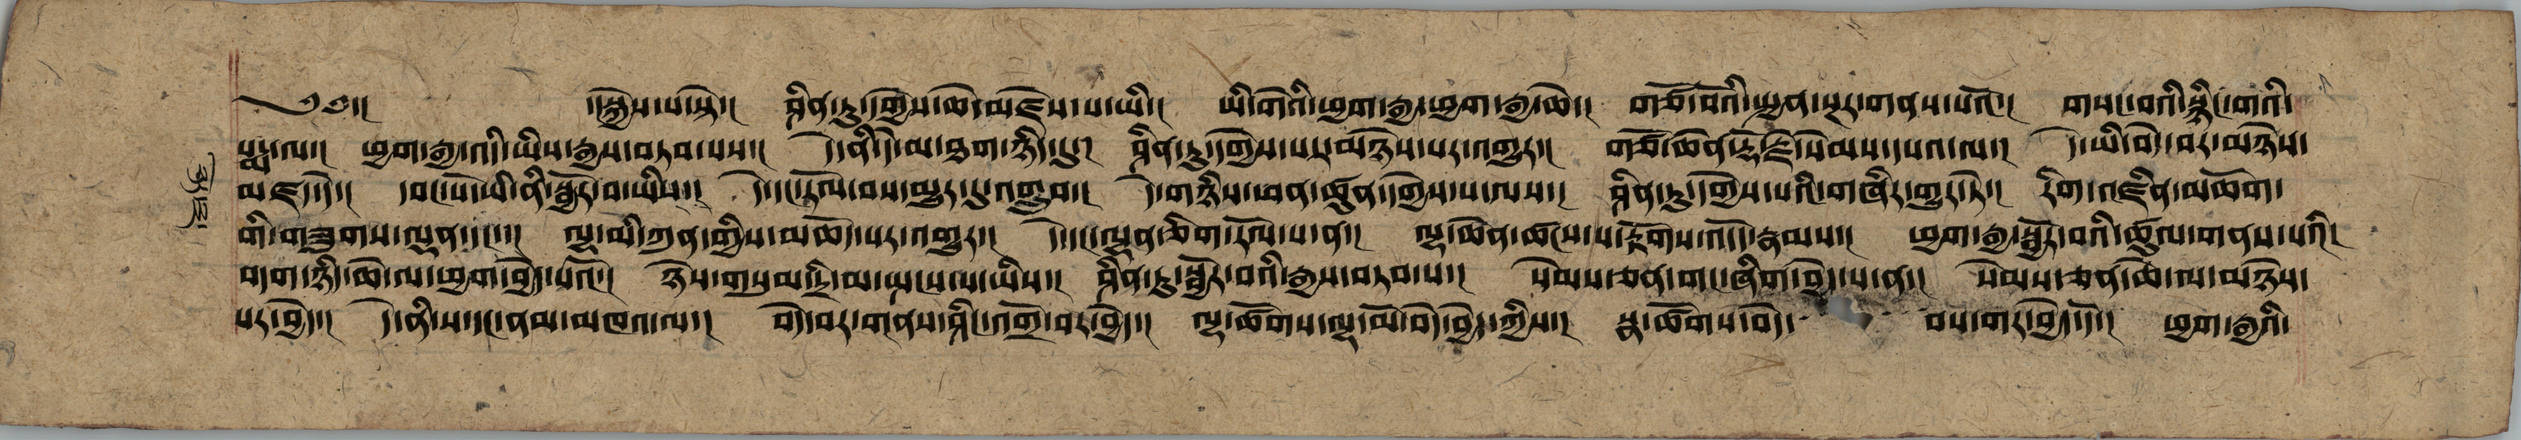༄༅་། ་།སྐྱེས་པ་སྟེ་། ཤིན་ཏུ་དགྱེས་ཆེ་མཛེས་པ་ཡི་། ཡི་གེའི་ཕྱག་རྒྱ་ཕྱག་རྒྱ་ཆེ་། གཙོ་བོའི་སྤྱན་སྔར་གནས་པའོ་། གསང་བའི་སྙིང་གའི་
པདྨ་ལ་། ཕྱག་རྒྱ་འདི་ཡིས་རྒྱས་བཏབ་པས་། དེ་ནི་དེ་མ་ཐག་ཉིད་དུ་། ཤིན་ཏུ་དགྱེས་པར་མཉེས་པར་འགྱུར་། གཙོ་ཆེན་རྡོ་རྗེ་སེམས་དཔའ་ལ་། དེ་ཡི་བདེ་བར་མཉེས་
མཛད་དེ་། དབང་པོ་ཡི་ནི་སྦྱོར་བ་ཡིས་། དེ་དངསྟོལ་བས་མྱུར་དུ་འགྲུབ་། དེ་གཉིས་ཕན་ཚུན་དགྱེས་པ་ལས་། ཤིན་ཏུ་དགྱེས་པའི་གཞིར་གྱུར་ཏེ་། རིག་འཛིན་མཆོག་
གི་གཟུགས་ལྡན་དང་་། ལྷ་མི་ཀུན་གྱིས་མཆོད་པར་འགྱུར་། དེ་དང་ལྷན་ཅིག་རོལ་པ་ན་། ལྷ་ཆེན་ཚངས་པ་རྟོགས་འདོད་རྣམས་། ཕྱག་རྒྱ་སྦྱོར་བའི་ཚུལ་གནས་པའི།
བདག་ཉིད་ཆེ་ལ་ཕྱག་བྱེད་པའོ་། ཉེས་གསུམ་དྲི་མ་སྤངས་པ་ཡིས་། ཤིན་ཏུ་སྦྱོར་བའི་རྒྱས་བཏབ་པ་། སེམས་ཅན་གང་ཞིག་བྱེད་པ་ན་། སེམས་ཅན་ཆེ་ལ་མཉེས་
པར་བྱེད་། དེ་ནི་ས་དང་ནམ་མཁའ་ལ་། བདེ་བར་གནས་ཤིང་འགྲོ་བར་བྱེད་། ལྷ་ཚོགས་ལྷ་མོ་བདེ་བྱེད་ཀྱིས་། སྣ་ཚོགས་བེད་ བས་གར་བྱེད་དོ་། ཕྱག་རྒྱའི་